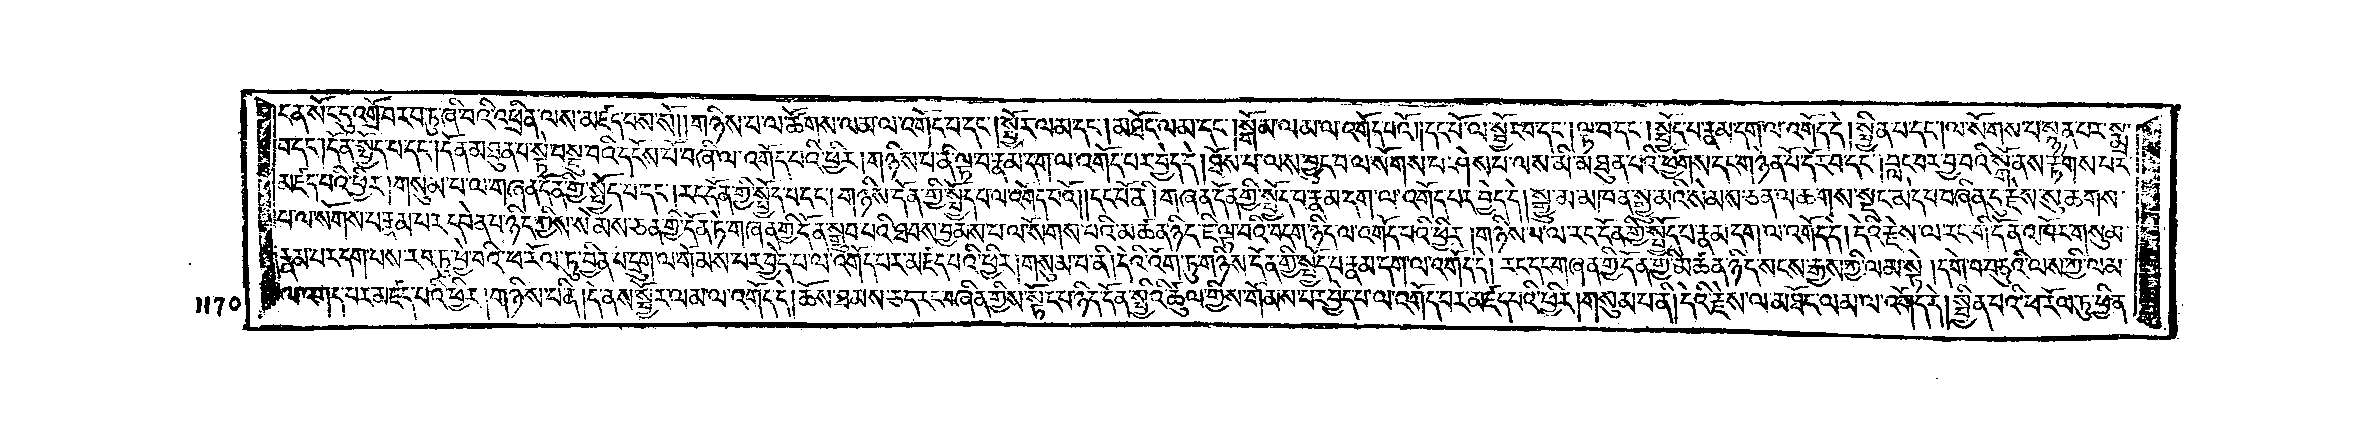ངང་སོང་དུ་འགྲོ་བར་རབ་ཏུ་ཞི་བའི་འཕྲིན་ལས་མཛད་པས་སོ། །གཉིས་པ་ལ་ཚོགས་ལམ་ལ་འགོད་པ་དང་། སྦྱོར་ལམ་དང་། མཐོང་ལམ། སྒོམ་ལམ་འགོད་པའོ། །དང་པོ་ལ་སྦྱོར་བ་དང་། ལྟ་བ་དང་། སྤྱོད་པ་རྣམ་དག་ལ་འགོད་དེ། སྦྱིན་པ་དང་། ལ་སོགས་པ་སྙན་པར་སྨྲ་
བ་དང་། དོན་སྤྱོད་པ་དང་། དོན་མཐུན་པ་སྟེ་བསྡུ་པའི་དངོས་པོ་བཞི་ལ་འགོད་པའི་ཕྱིར། གཉིས་པ་ནི་ལྟ་པ་རྣམ་དག་ལ་འགོད་པར་བྱེད་དེ། ཐོས་པ་ལས་བྱུང་བ་ལ་སོགས་པ་ཤེས་པ་ལས་མི་མཐུན་པའི་ཕྱོགས་དང་གཉེན་པོ་དོན་བ་དང་། བླང་བར་བྱ་བའི་སྒོ་ནས་རྟགས་པར་
མཛད་པའི་ཕྱིར། གསུམ་པ་ལ་གཞན་དོན་གྱི་སྤྱོད་པ་དང་། རང་དོན་གྱི་སྤྱོད་པ་དང་། གཉིས་དོན་གྱི་སྤྱོད་པ་འགོད་པའོ། །དང་པོ་ནི། གཞན་དོན་གྱི་སྤྱོད་པ་རྣམ་དག་ལ་འགོད་པར་བྱེད་དེ། སྒྱུ་མ་མཁན་སྒྱུ་མའི་སེམས་ཅན་ལ་ཆགས་སྡང་མེད་པ་བཞིན་དུ་རྗེས་སུ་ཆགས་
པ་ལ་སོགས་པ་རྣམ་པར་དབེན་པ་ཉིད་ཀྱིས་སེམས་ཅན་གྱི་དོན་ཏེ་གཞན་གྱི་དོན་སྒྲུབ་པའི་ཐབས་བྱམས་པ་ལ་སོགས་པའི་མཚན་ཉིད་ཇི་ལྟ་བའི་བདག་ཉིད་ལ་འགོད་པའི་ཕྱིར། གཉིས་པ་ལ་རང་དོན་གྱི་སྤྱོད་པ་རྣམ་དག་ལ་འགོད་དེ། དེའི་རྗེས་ལ་རང་གི་དོན་འཁོར་གསུམ་
རྣམ་པར་དག་པས་རབ་ཏུ་ཕྱེ་བའི་ཕ་རོལ་ཏུ་བྱིན་པ་དྲུག་ལ་གོམས་པར་བྱེད་པ་ལ་འགོད་པར་མཛད་པའི་ཕྱིར། གསུམ་པ་ནི། དེའི་འོག་ཏུ་གཉིས་དོན་གྱི་སྤྱོད་པ་རྣམ་དག་ལ་འགོད་དེ། རང་དང་གཞན་གྱི་དོན་གྱི་མཚན་ཉིད་སངས་རྒྱས་ཀྱི་ལམ་སྟེ། དགེ་བ་བཅུའི་ལས་ཀྱི་ལམ་
ལ་འགོད་པར་མཛད་པའི་ཕྱིར། གཉིས་པ་ནི། དེ་ནས་སྦྱོར་ལམ་ལ་འགོད་དེ། ཆོས་ཐམས་ཅད་རང་བཞིན་གྱིས་སྟོང་པ་ཉིད་དོན་སྤྱིའི་ཚུལ་གྱིས་གོམས་པར་བྱེད་པ་ལ་འགོད་པར་མཛད་པའི་ཕྱིར། གསུམ་པ་ནི། དེའི་རྗེས་ལ་མཐོང་ལམ་ལ་འགོད་དེ། སྦྱིན་པའི་ཕ་རོལ་ཏུ་ཕྱིན་